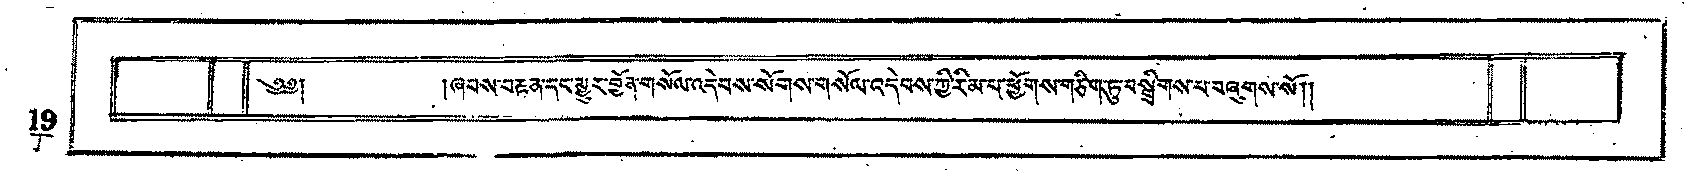༄༅། །ཞབས་བརྟན་དང་མྱུར་བྱོན་གསོལ་འདེབས་སོགས་གསོལ་འདེབས་ཀྱི་རིམ་པ་ཕྱོགས་གཅིག་ཏུ་བསྒྲིགས་པ་བཞུགས་སོ།།